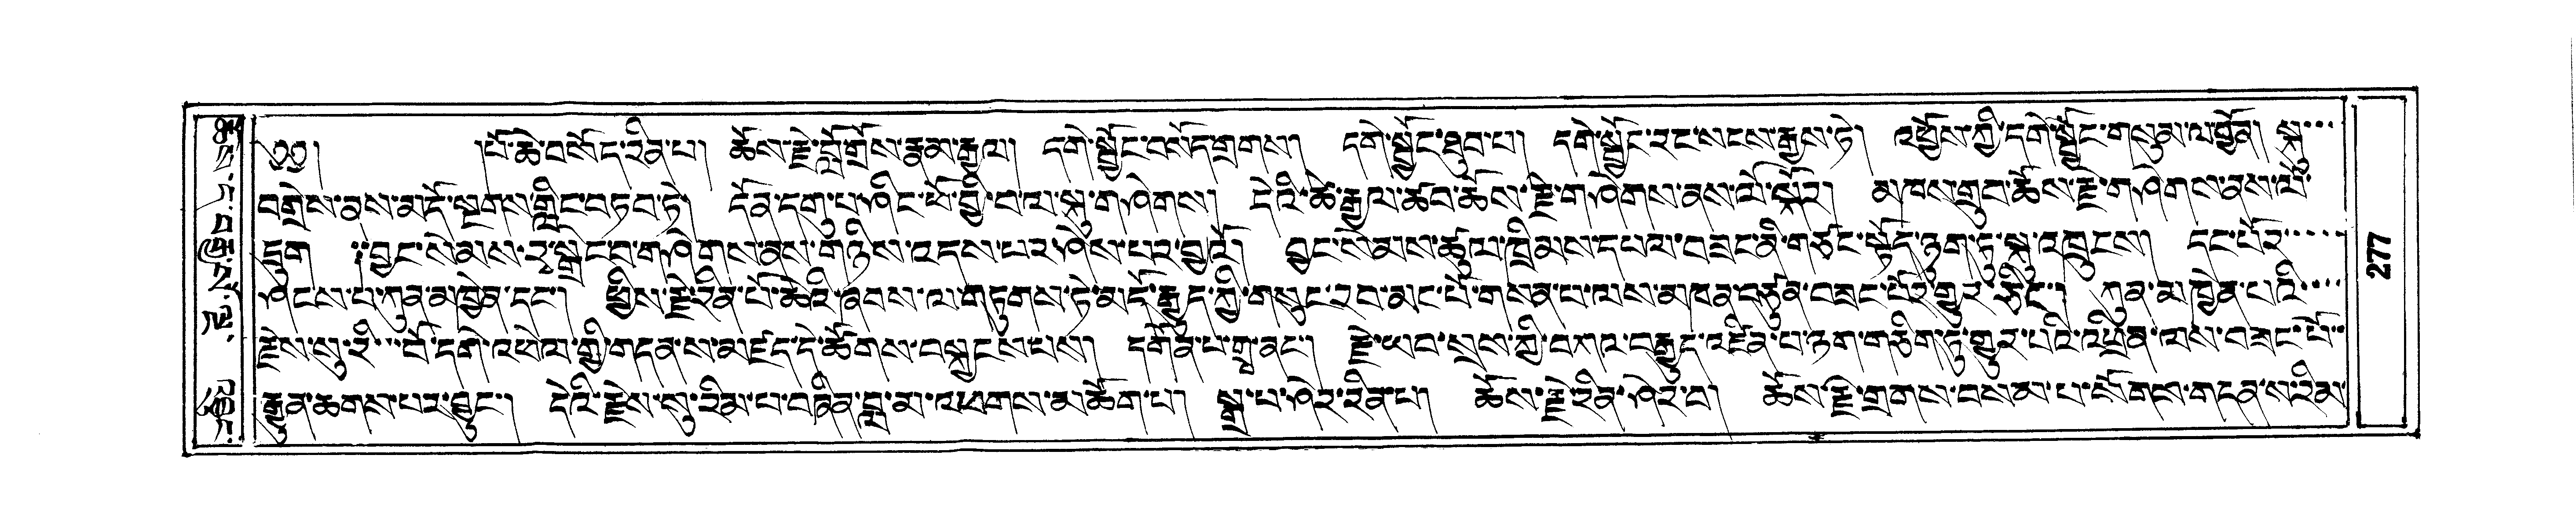༄༅། །པོ་ཆེ་བསོད་རིན་པ། ཆོས་རྗེ་བློ་གྲོས་རྣམ་རྒྱལ། དགེ་སྦྱོང་བསོད་གྲགས། དགེ་སྦྱོང་ཐུབ་པ། དགེ་སྦྱོང་རང་སངས་རྒྱས་ཏེ། འཕྱོས་ཀྱི་དགེ་སྦྱོང་གསུམ་ལ་བྱོན། སྐུ་
བགྲེས་ནས་མདོ་སྔགས་གླིང་བཏབ་ཏེ། དོན་དགུ་པ་ཤིང་ཕོ་བྱི་བ་ལ་སྐུ་གཤེགས། དེའི་ཚེ་རྒྱལ་ཚབ་ཆོས་རྗེ་གཤེགས་ནས་ལོ་སྐོར། མཁས་གྲུབ་ཆོས་རྗེ་གཤེགས་ནས་ལ་
དྲུག ༑བྱང་སེམས་རྭ་སྒྲེང་བ་གཤེགས་ནས་གཉྶི་འདས་པར་ཤེས་པར་བྱའོ། བྱང་སེམས་ཚུལ་ཁྲིམས་དཔལ་བཟང་ནི་གཙང་སྟོད་ཉུ་ཏུ་སྐུ་འཁྲུངས། དང་པོར་
ཤངས་པ་ཀུན་མཁྱེན་དང་། ཕྱིས་རྗེ་རིན་པོ་ཆེའི་ཞབས་ལ་གཏུགས་ཏེ་མདོ་རྒྱུད་ཀྱི་གསུང་རབ་མང་པོ་གསན་པ་ལས་མཁན་བརྩུན་བཟང་པོར་གྱུར་ཅིང་། ཀུན་མཁྱེན་པའི་
རྗེ་སུ་རི་བོ་དགེ་འཕེལ་གྱི་གདན་མཛད་དེ་ཚོགས་བསྐྱངས་པས། དགོན་པ་གྲྭ་ནང་། རྗེ་ཡབ་སྲས་ཀྱི་བཀའ་བརྒྱུད་འཛིན་པ་ཉག་གཅིག་ཏུ་གྱུར་པའི་འཕྲིན་ལས་བཟང་པོ་
རྒྱུན་ཆགས་པར་བྱུང་། དེའི་རྗེས་སུ་རིམ་པ་བཞིན་བླ་མ་འཕགས་མཆོག་པ། སྒྲ་པ་ཤེར་རིན་པ། ཆོས་རྗེ་རིན་ཤེར་བ། ཆོས་རྗེ་གྲགས་བསམ་པ་སོགས་གདན་ས་རིམ་